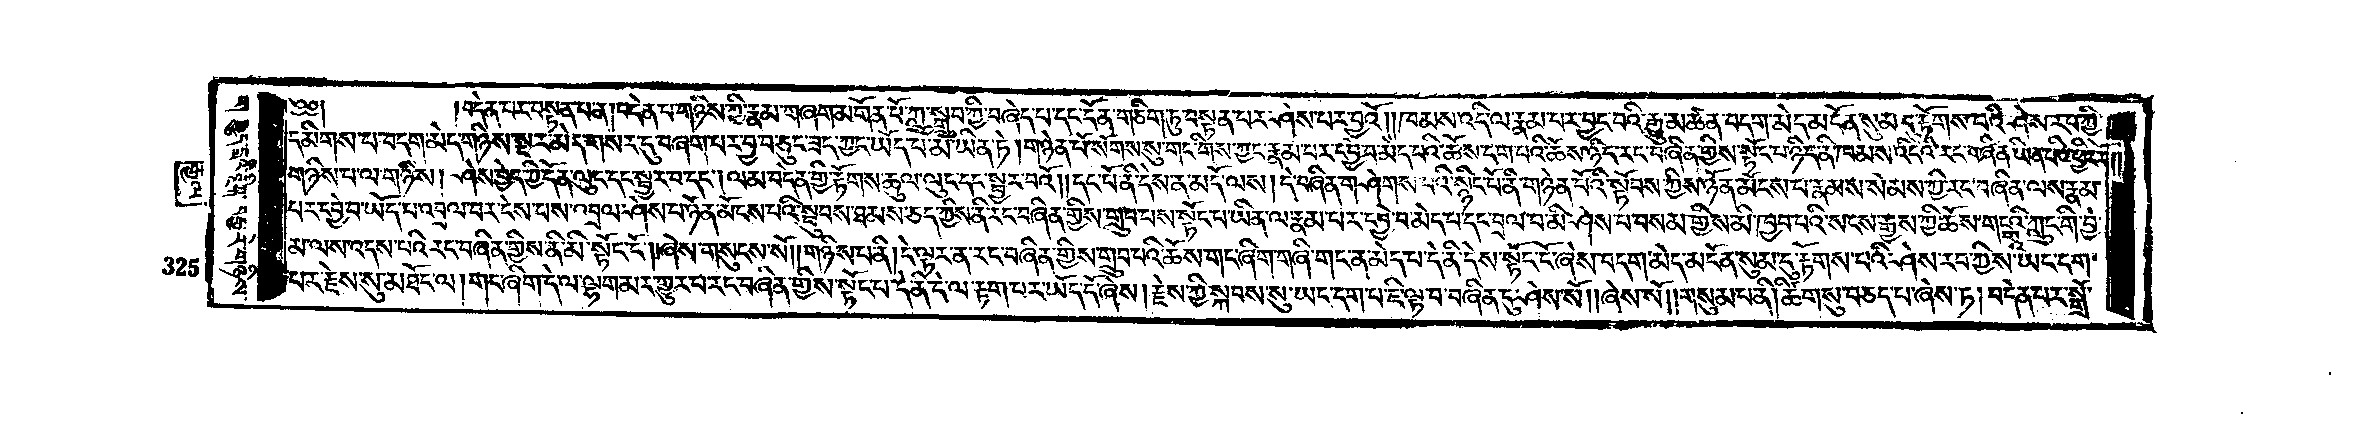༄༅། །བདེན་པར་བསྟན་པ་ན། བདེན་པ་གཉིས་ཀྱི་རྣམ་གཞག་མགོན་པོ་ཀླུ་སྒྲུབ་ཀྱི་བཞེད་པ་དང་དོན་གཅིག་ཏུ་བསྟན་པར་ཤེས་པར་བྱའོ། །ཁམས་འདི་ལ་རྣམ་པར་བྱང་བའི་རྒྱུ་མཚན་བདག་མེད་མངོན་སུམ་དུ་རྟོགས་པའི་ཤེས་རབ་ཀྱི་
དམིགས་པ་བདག་མེད་གཉིས་སྔར་མེད་གསར་དུ་བཞག་པར་བྱ་བ་ཅུང་ཟད་ཀྱང་ཡོད་པ་མ་ཡིན་ཏེ། གཉེན་པོ་སོགས་སུ་གང་གིས་ཀྱང་རྣམ་པར་དབྱེ་བ་མེད་པའི་ཆོས་དག་པའི་ཆོས་ཉིད་རང་བཞིན་གྱིས་སྟོང་པ་ཉིད་ནི་ཁམས་འདིའི་རང་བཞིན་ཡིན་པའི་ཕྱིར་རོ། །
གཉིས་པ་ལ་གཉིས། ཤེས་བྱེད་ཀྱི་དོན་ལུང་དང་སྦྱར་བ་དང་། ལམ་བདེན་གྱི་རྟོགས་ཚུལ་ལུང་དང་སྦྱར་བའོ། །དང་པོ་ནི་དེས་ན་མདོ་ལས། དེ་བཞིན་གཤེགས་པའི་སྙིང་པོ་ནི་གཉེན་པོའི་སྟོབས་ཀྱིས་ཉོན་མོངས་པ་རྣམས་སེམས་ཀྱི་རང་བཞིན་ལས་རྣམ་
པར་དབྱེ་བ་ཡོད་པ་འབྲལ་བར་ངེས་པས་འབྲལ་ཤེས་པ་ཉོན་མོངས་པའི་སྦུབས་ཐམས་ཅད་ཀྱིས་ནི་རང་བཞིན་གྱིས་གྲུབ་པས་སྟོང་པ་ཡིན་ལ་རྣམ་པར་དབྱེ་བ་མེད་པ་དང་བྲལ་བ་མི་ཤེས་པ་བསམ་གྱིས་མི་ཁྱབ་པའི་སངས་རྒྱས་ཀྱི་ཆོས་གངགཱའི་ཀླུང་གི་བྱེ་
མ་ལས་འདས་པའི་རང་བཞིན་གྱིས་ནི་མི་སྟོང་ངོ། །ཞེས་གསུངས་སོ། །གཉིས་པ་ནི། དེ་ལྟར་ན་རང་བཞིན་གྱིས་གྲུབ་པའི་ཆོས་གང་ཞིག་གཞི་གང་ན་མེད་པ་དེ་ནི་དེས་སྟོང་ངོ་ཞེས་བདག་མེད་མངོན་སུམ་དུ་རྟོགས་པའི་ཤེས་རབ་ཀྱིས་ཡང་དག་
པར་རྗེས་སུ་མཐོང་ལ། གང་ཞིག་དེ་ལ་ལྷག་མར་གྱུར་པ་རང་བཞིན་གྱིས་སྟོང་པ་དེ་ནི་དེ་ལ་རྟག་པར་ཡོད་དོ་ཞེས། རྗེས་ཀྱི་སྐབས་སུ་ཡང་དག་པ་ཇི་ལྟ་བ་བཞིན་དུ་ཤེས་སོ། །ཞེས་སོ། །གསུམ་པ་ནི། ཚིགས་སུ་བཅད་པ་ཞེས་ཏེ། བདེན་པར་སྒྲོ་